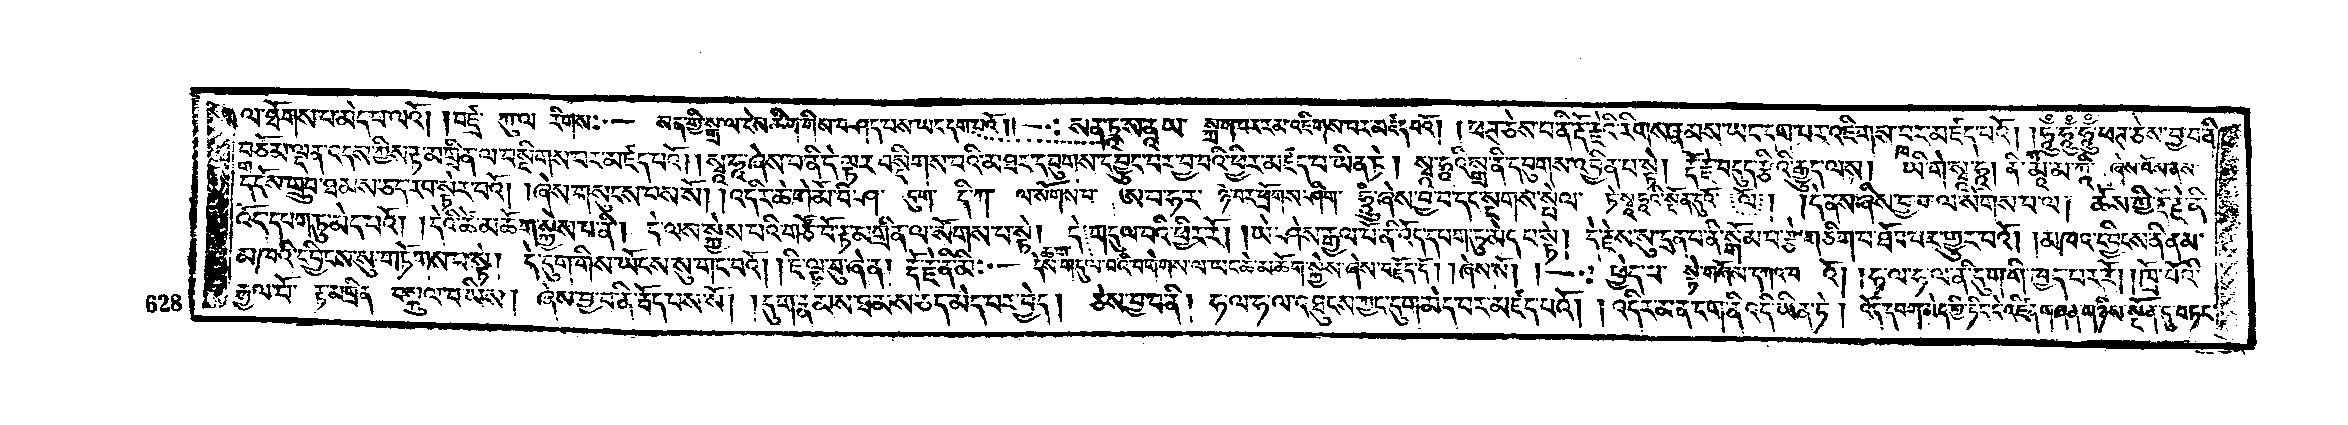ལ་ཐོགས་པ་མེད་པ་ལའོ། །བཛྲ་ཀུ་ལ་རིགས་H.་སན་གྱི་སྒྲ་ལ་ངེས་ཚིག་གིས་བཤད་པས་ཡང་དག་པའོ། .H སན་ཏྲཱ་ས་ནཱ་ཡ་སྐྲག་པར་རམ་འཇིགས་པར་མཛད་པའོ། །ཕཊ་ཅེས་པ་ནི་རྡོ་རྗེའི་རིགས་རྣམས་ཡང་དག་པར་འཇིགས་པར་མཛད་པའོ། །ཧཱུཾ་ཧཱུཾ་ཧཱུཾ་ཕཊ་ཅེས་བྱ་བ་ནི་
བཅོམ་ལྡན་འདས་ཀྱིས་རྟ་མགྲིན་ལ་བསྡིགས་པར་མཛད་པའོ། །སྭཱ་ཧཱ་ཞེས་པ་ནི་དེ་ལྟར་བསྡིགས་པའི་མཐར་དབུགས་དབྱུང་བར་བྱ་བའི་ཕྱིར་མཛད་པ་ཡིན་ཏེ། སྭཱ་ཧཱའི་སྒྲ་ནི་དབུགས་འབྱིན་པ་སྟེ། རྡོ་རྗེ་བདུད་རྩིའི་རྒྱུད་ལས། ཁ་ཡི་གེ་སྭཱ་ཧཱ། ནི་ཀ་མཱ་མ་ཀཱི་ཞེས་བོས་ནས
དངོས་གྲུབ་ཐམས་ཅད་རབ་སྟེར་བའོ། །ཞེས་གསུངས་པས་སོ། །འདིར་ཆེ་གེ་མོ་བི་ཤ་དུག་དི་ཀ་ལ་སོགས་པ་ཨ་པ་ཧ་ར་ཉེ་བར་ཕྲོགས་ཤིག་ཧཱུཾ་ཞེས་བྱ་བ་དང་སྔགས་སྤེལ་ཏེ་སྭཱ་ཧཱའི་སྔོན་དུའོ་ལོ། །དེ་ནས་ཞེས་བྱ་བ་ལ་སོགས་པ་ལ། ཆོས་ཀྱི་རྡོ་རྗེ་ནི་
འོད་དཔག་ཏུ་མེད་པའོ། །དེའི་ཚེ་མཆོག་སྐྱེས་པ་ནི། དེ་ལས་སྐྱེས་པའི་གཙོ་བོ་རྟ་མགྲིན་ལ་སོགས་པ་སྟེ། དེ་གདུལ་བའི་ཕྱིར་རོ། །ཡེ་ཤེས་རྒྱལ་པོ་ནི་འོད་དཔག་ཏུ་མེད་པ་སྟེ། དེ་རྗེས་སུ་དྲན་པ་ནི་སྒོམ་པ་རྩེ་གཅིག་པ་ཐོབ་པར་གྱུར་པའོ། །མཁའ་དབྱིངས་ནི་ནམ་
མཁའི་དབྱིངས་སུ་གཏོགས་པ་སྟེ། དེ་དུག་གིས་ཡོངས་སུ་གང་བའོ། །ཇི་ལྟ་བུ་ཞེ་ན། རྡོ་རྗེ་ནི་མི་H.་ཆག་དེས་གདུལ་བའི་བགེགས་ལ་ཡང་ཆེ་མཆོག་སྐྱེས་ཞེས་བརྗོད་དོ། །ཞེས་སོ། ། .H ཕྱེད་པ་སྟེ་གཞོམ་དཀའ་བ་འོ། །ཧ་ལ་ཧ་ལ་ནི་དུག་གི་ཁྱད་པར་རོ། །ཁྲོ་བོའི་
རྒྱལ་པོ་རྟ་མགྲིན་བསྐུལ་བ་ཡིས། ཞེས་བྱ་བ་ནི་རྦོད་པས་སོ། །དུག་རྣམས་ཐམས་ཅད་མེད་པར་བྱེད། ཅེས་བྱ་བ་ནི། ཧ་ལ་ཧ་ལ་འཐུངས་ཀྱང་དུག་མེད་པར་མཛད་པའོ། །འདིར་མན་ངག་ནི་འདི་ཡིན་ཏེ། འོད་དཔག་མེད་ཀྱི་ཏིང་ངེ་འཛིན་གཞན་གཉིས་སྔོན་དུ་བཏང་